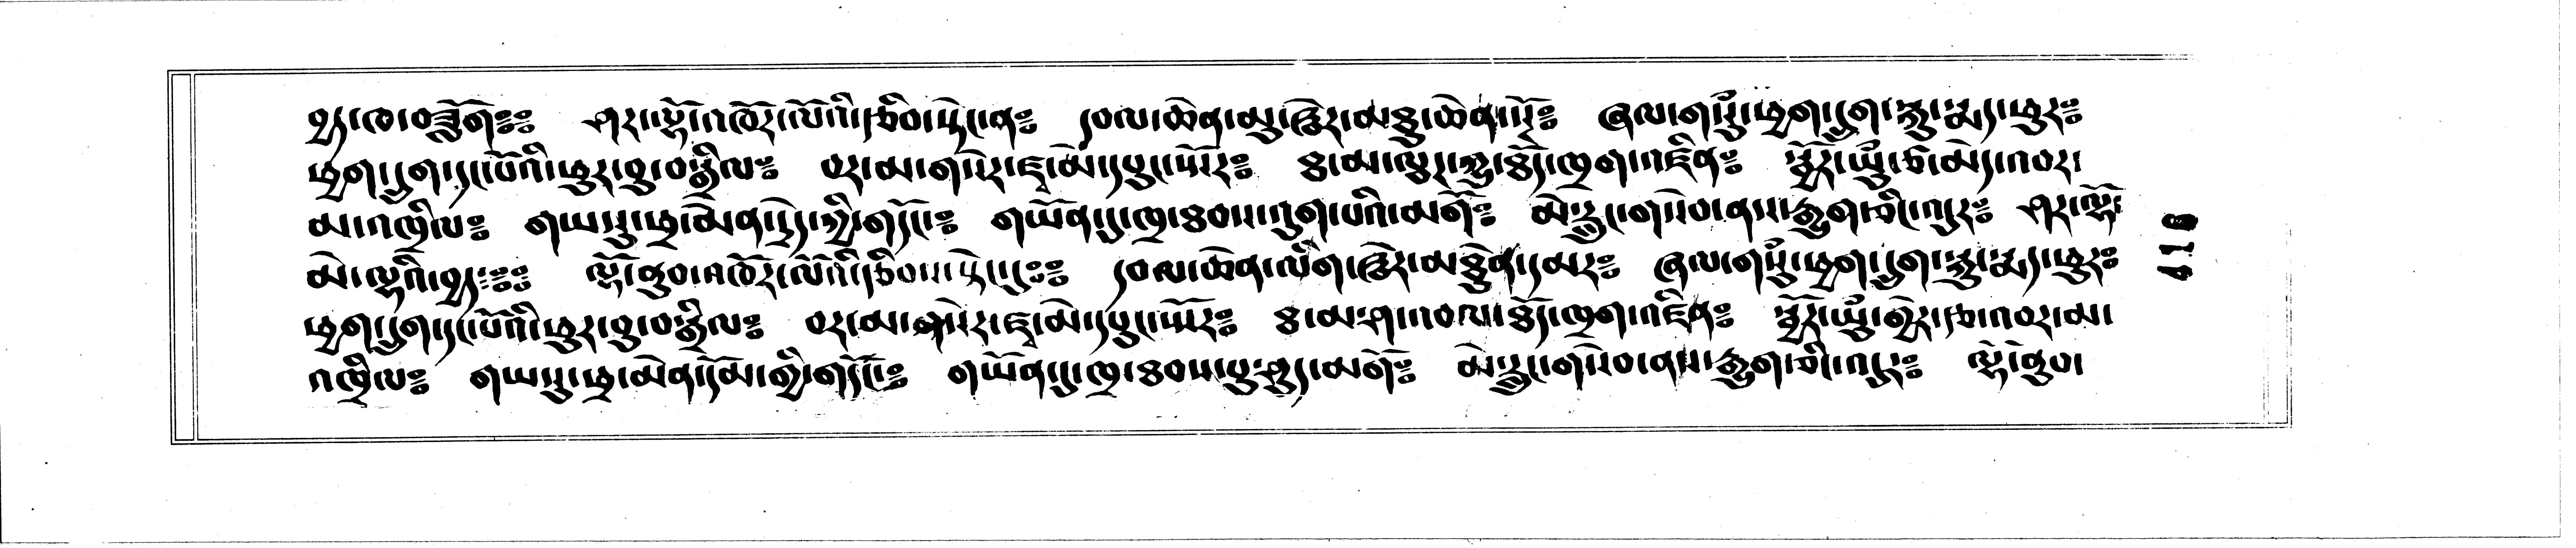བྱད་ཁ་བཟློག༔ཤར་ལྷོ་འཁོར་ལོའི་རྩིབས་སྟེང་ན༔དབལ་ཆེན་མུ་ཝེར་མཐུ་ཆེན་པོ༔ཞལ་གསུམ་ཕྱག་དྲུག་སྐུ་སྨད་ཕུར༔
ཕྱག་དྲུག་དང་པོའི་ཕུར་བུ་བསྒྲིལ༔བར་མ་གསེར་ཛྭ་མེ་དཔུང་སྤོར༔ཐ་མ་ལྕགས་ཀྱུ་ཐོད་ཁྲག་འཛིན༔སྦྱོར་ཡུམ་ཙ་མེད་འབར་
མ་འཁྲིལ༔གཡས་སུ་ཕྲ་མེན་དྲེད་ཀྱི་གདོང་༔གཡོན་དུ་ཁྲ་ཐབས་འུག་པའི་མགོ༔མེ་རླུང་གསེབ་ནས་རྒྱུག་ཅིང་འདུར༔ཤར་ལྷོ་
མེ་ལྷའི་བྱད༔༔ལྷོ་ནུབ་འཁོར་ལོའི་རྩིབས་སྟེང་དུ༔༔དབལ་ཆེན་ལིག་ཝེར་མཐུ་ཆེན་དམར༔ཞལ་གསུམ་ཕྱག་དྲུག་སྐུ་སྨད་ཕུར༔
ཕྱག་དྲུག་དང་པོའི་ཕུར་བུ་བསྒྲིལ༔བར་མ་གསེར་ཛྭ་མེ་དཔུང་སྤོར༔ཐ་མ་ཤ་འབལ་ཐོད་ཁྲག་འཛིན༔སྦྱོར་ཡུམ་གྱེར་རྩ་འབར་མ་
འཁྲིལ༔གཡས་སུ་ཕྲ་མེན་དོམ་གྱི་གདོང་༔གཡོན་དུ་ཁྲ་ཐབས་པུ་ཤུད་མགོ༔མེ་རླུང་གསེབ་ནས་རྒྱུག་ཅིང་འདུར༔ལྷོ་ནུབ་